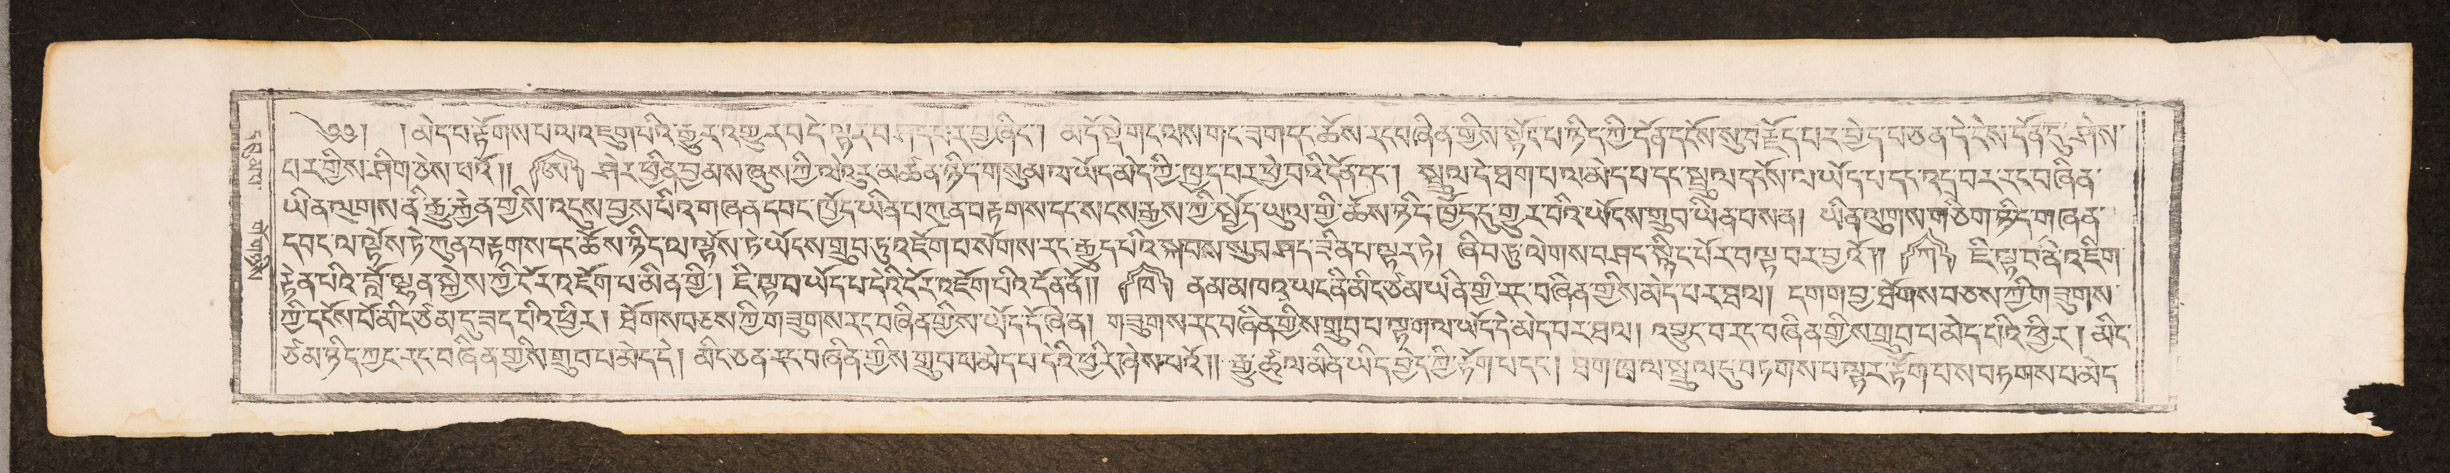༄༅། །མེད་པ་རྟོགས་པ་ལ་འཇུག་པའི་རྒྱུར་འགྱུར་བ་དེ་ལྟར་བཤད་པར་བྱ་ཞིང་། མདོ་སྡེ་གང་ལས་གང་ཟག་དང་ཆོས་རང་བཞིན་གྱིས་སྟོང་པ་ཉིད་ཀྱི་དོན་དངོས་སུ་བརྗོད་པར་བྱེད་པ་ཅན་དེ་ངེས་དོན་དུ་ཤེས་
པར་གྱིས་ཤིག་ཅེས་པའོ།། ༼༽ཨ༼༽ ཤེར་ཕྱིན་བྱམས་ཞུས་ཀྱི་ལེའུར་མཚན་ཉིད་གསུམ་ལ་ཡོད་མེད་གྱི་ཁྱད་པར་ཕྱེ་བའི་དོན་དང་། སྦྲུལ་དེ་ཐག་པ་ལ་མེད་པ་དང་སྦྲུལ་དངོས་ལ་ཡོད་པ་དང་འདྲ་བར་རང་བཞིན་
ཡིན་ལུགས་ནི་རྒྱུ་རྐྱེན་གྱིས་འདུས་བྱས་པའི་གཞན་དབང་ཁྱོད་ཡིན་པ་ཀུན་བརྟགས་དང་སངས་རྒྱས་ཀྱི་སྤྱོད་ཡུལ་གྱི་ཆོས་ཉིད་ཁྱོད་དུ་གྱུར་བའི་ཡོངས་གྲུབ་ཡིན་པས་ན། ཡིན་ལུགས་གཅིག་ཉིད་གཞན་
དབང་ལ་ལྟོས་ཏེ་ཀུན་བརྟགས་དང་ཆོས་ཉིད་ལ་ལྟོས་ཏེ་ཡོངས་གྲུབ་ཏུ་འཇོག་པ་སོགས་རང་རྒྱུད་པའི་སྐབས་སུ་བཤད་ཟིན་པ་ལྟར་ཏེ། ཞིབ་ཏུ་ལེགས་བཤད་སྙིང་པོར་བལྟ་བར་བྱའོ།། ༼༽ཀ༼༽ ཇི་ལྟ་བ་ནི་འཇིག་
རྟེན་པའི་བློ་ལྷན་སྐྱེས་ཀྱི་ངོར་འཇོག་པའི་དོན་ནོ།། ༼༽ཁ༼༽ ནམ་མཁའ་ཡང་ནི་མིང་ཙམ་ཡིན་གྱི་རང་བཞིན་གྱིས་མེད་པར་ཐལ། དགག་བྱ་ཐོགས་བཅས་ཀྱི་གཟུགས་
ཀྱི་དངོས་བོ་མིང་ཙམ་དུ་ཟད་པའི་ཕྱིར། ཐོགས་བཅས་ཀྱི་གཟུགས་རང་བཞིན་གྱིས་ཡོད་དོ་ཞེ་ན། གཟུགས་རང་བཞིན་གྱིས་གྲུབ་པ་ལྟག་ག་ལ་ཡོད་དེ་མེད་བར་ཐལ། འབྱུང་བ་རང་བཞིན་གྱིས་གྲུབ་པ་མེད་པའི་ཕྱིར། མིང་
ཙམ་ཉིད་ཀྱང་རང་བཞིན་གྱིས་གྲུབ་པ་མེད་དེ། མིང་ཅན་རང་བཞིན་གྱིས་གྲུབ་པ་མེད་པ་དེའི་ཕྱིར་ཞེས་པའོ།། རྒྱུ་ཚུལ་མིན་ཡིད་བྱེད་ཀྱི་རྟོག་པ་དང་། ཐག་ཁྲ་ལ་སྦྲུལ་དུ་བཏགས་པ་ལྟར་རྟོག་པས་བཏགས་པ་མེད་